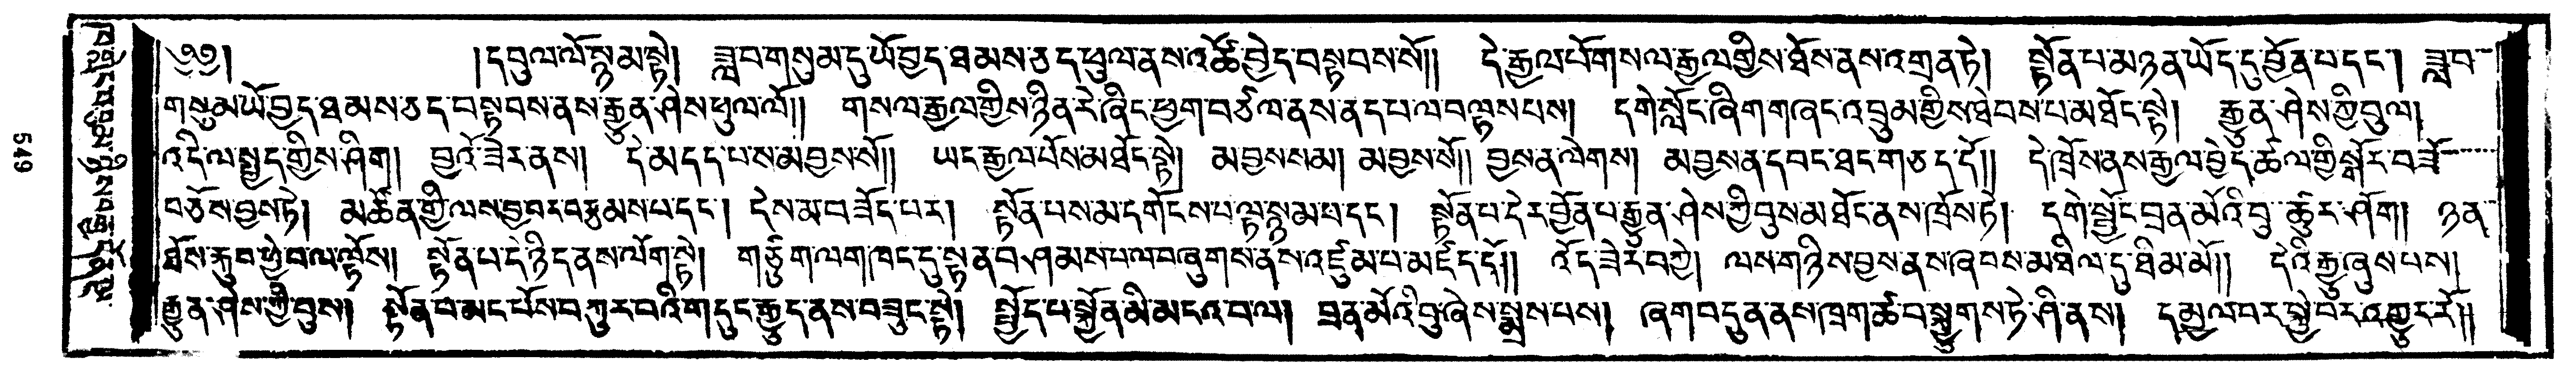༄༅། །དབུལ་ལོ་སྙམ་སྟེ། ཟླ་བ་གསུམ་དུ་ཡོ་བྱད་ཐམས་ཅད་ཕུལ་ནས་འཚོ་བྱེད་བསྟབས་སོ།། དེ་རྒྱལ་པོ་གསལ་རྒྱལ་གྱིས་ཐོས་ནས་འགྲན་ཏེ། སྟོན་པ་མཉན་ཡོད་དུ་བྱོན་པ་དང་། ཟླ་བ་
གསུམ་ཡོ་བྱད་ཐམས་ཅད་བསྟབས་ནས་རྒྱུན་ཤེས་ཕུལ་ལོ།། གསལ་རྒྱལ་གྱིས་ཉིན་རེ་ཞིང་ཕྱག་བཙལ་ནས་ནད་པ་ལ་བལྟས་པས། དགེ་སློང་ཞིག་གཞང་འབྲུམ་གྱིས་ཐེབས་པ་མཐོང་སྟེ། རྒྱུན་ཤེས་ཀྱི་བུལ།
འདི་ལ་སྤྱད་གྱིས་ཤིག། བྱའོ་ཟེར་ནས། དེ་མ་དད་པ་ས་མ་བྱས་སོ།། ཡང་རྒྱལ་པོས་མཐོང་སྟེ། མ་བྱས་སམ། མ་བྱས་སོ།། བྱས་ན་ལེགས། མ་བྱས་ན་དབང་ཐང་གཅད་དོ།། དེ་ཁྲོས་ནས་རྒྱལ་བྱེད་ཚལ་གྱི་སྒོར་བཟོ་
བཅོས་བྱས་ཏེ། མཚོན་གྱི་ལས་བྱ་བར་བརྩམས་པ་དང་། དེས་མ་བཟོད་པར། སྟོན་པས་མ་དགོངས་པ་ལྟ་སྙམ་པ་དང་། སྟོན་པ་དེར་བྱོན་པ་རྒྱུན་ཤེས་ཀྱི་བུས་མཐོང་ནས་ཁྲོས་ཏེ། དགེ་སྦྱོང་བྲན་མོའི་བུ་ཚུར་ཤོག། ཉན་
ཐོས་རྐུབ་ཕྱེ་བ་ལ་ལྟོས། སྟོན་པ་དེ་ཉིད་ནས་ལོག་སྟེ། གཙུག་ལག་ཁང་དུ་སྟན་བཤམས་པ་ལ་བཞུགས་ནས་འཛུམ་པ་མཛད་དོ།། འོད་ཟེར་བཀྱེ། ལས་གཉིས་བྱས་ནས་ཞབས་མཐིལ་དུ་ཐིམ་མོ།། དེའི་རྒྱུ་ཞུས་པས།
རྒྱུན་ཤེས་ཀྱི་བུས། སྟོན་བ་མང་པོས་བཀུར་བའི་གདུང་རྒྱུད་ནས་བཟུང་སྟེ། སྤྱོད་པ་སྐྱོན་མི་མངའ་བ་ལ། བྲན་མོའི་བུ་ཞེས་སྨྲས་པས། ཞག་བདུན་ནས་ཁྲག་ཚ་བ་སྐྱུགས་ཏེ་ཤི་ནས། དམྱལ་བར་སྐྱེ་བར་འགྱུར་རོ།།